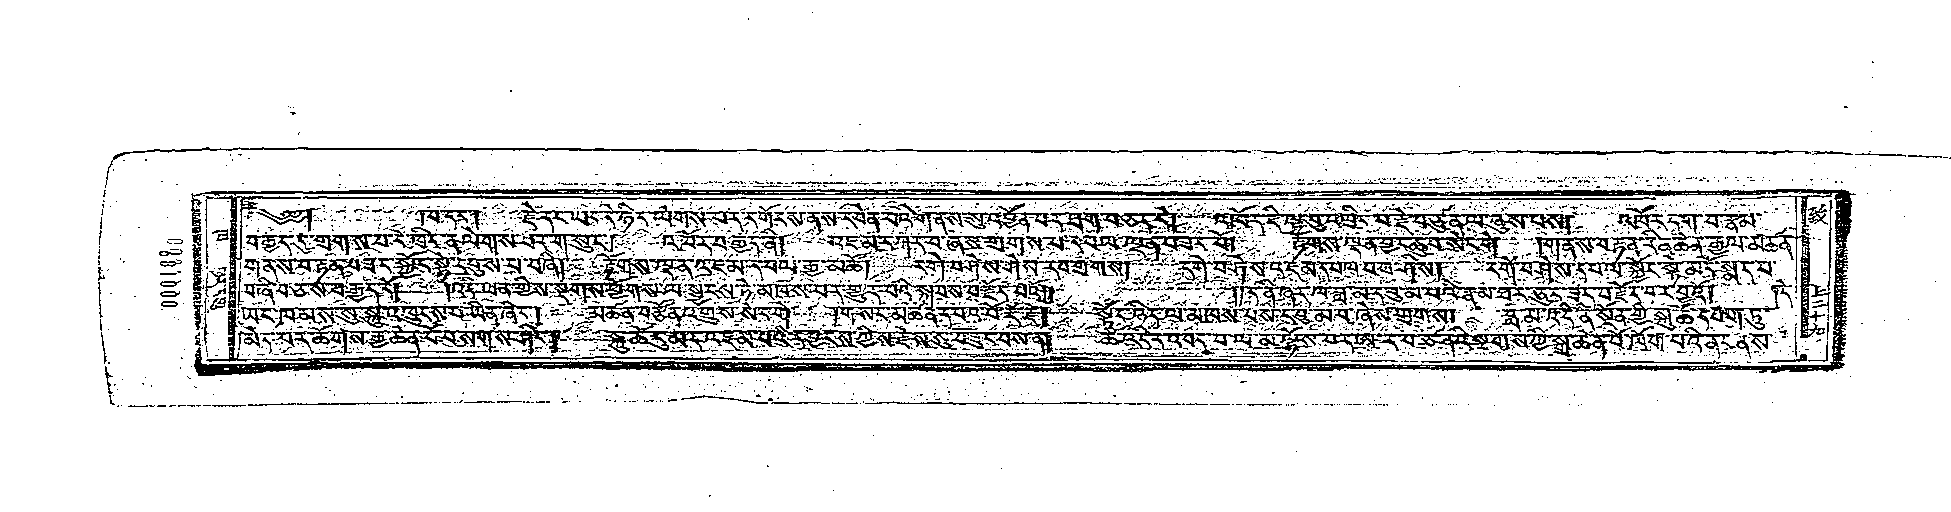༄༅། །བ་དང་། རྗེ་རང་ཡང་དེ་ཉིད་ལེགས་པར་དགོངས་ནས་དབེན་པའི་གནས་སུ་འབྱོན་པར་ཐག་བཅད་དེ། འཁོར་ཇི་ལྟ་བུ་འཁྲིད་པ་རྗེ་བཙུན་ལ་ཞུས་པས། འཁོར་དག་བ་རྣམ་
བརྒྱད་དུ་གྲགས་པ་དེ་ཁྲིད་ན་ལེགས་པར་གསུང་། འཁོར་བརྒྱད་ནི། འཇམ་དཀར་བ་ཞེས་གྲགས་པ་དཔལ་ལྡན་བཟང་པོ། རྟོགས་ལྡན་བྱང་ཆུབ་སེང་གེ །གནས་བརྟན་རིན་ཆེན་རྒྱལ་མཚན་
གནས་བརྟན་བཟང་སྐྱོང་སྟེ་དབུས་པ་བཞི། རྟོགས་ལྡན་འཇམ་དཔལ་རྒྱ་མཚོ། དགེ་བཤེས་ཤེས་རབ་གྲགས། དགེ་བཤེས་འཇམ་དཔལ་བཀྲ་ཤིས། དགེ་བཤེས་དཔལ་སྐྱོང་སྟེ་མདོ་སྨད་པ་
བཞི་བཅས་བརྒྱད་དོ། །འདི་ཡན་གྱིས་སྔགས་ཕྱོགས་ལ་སྦྱངས་ཏེ་མཁས་པར་གྱུར་པའི་སྐབས་བརྗོད་པའོ།། །།ད་ནི་ཞར་ལ་བླ་མ་དབུ་མ་པའི་རྣམ་ཐར་ཅུང་ཟད་བརྗོད་པར་བྱའོ། །དེ་
ཡང་ཁམས་སུ་སྐུ་འཁྲུངས་པ་ཡིན་ཞིང་། མཚན་བརྩོན་འགྲུས་སེང་གེ །གསང་མཚན་དཔའ་བོ་རྡོ་རྗེ། སྟོང་ཉིད་ལ་མཁས་པས་དབུ་མ་བ་ཞེས་གྲགས། བླ་མ་འདི་ནི་སྔོན་གྱི་སྐུ་ཚེ་དཔག་ཏུ་
མེད་པར་ཚོགས་རྒྱ་ཆེན་པོ་བསགས་ཤིང་། སྐུ་ཚེ་དུ་མར་འཇམ་པའི་དབྱངས་ཀྱིས་རྗེས་སུ་བཟུང་བས་ན། ཚེ་འདིར་འབད་པ་ལ་མ་ལྟོས་པར་ཨ་ར་པ་ཙ་ནའི་སྔགས་ཀྱི་སྒྲ་ཆེན་པོ་ཁོག་པའི་ནང་ནས་